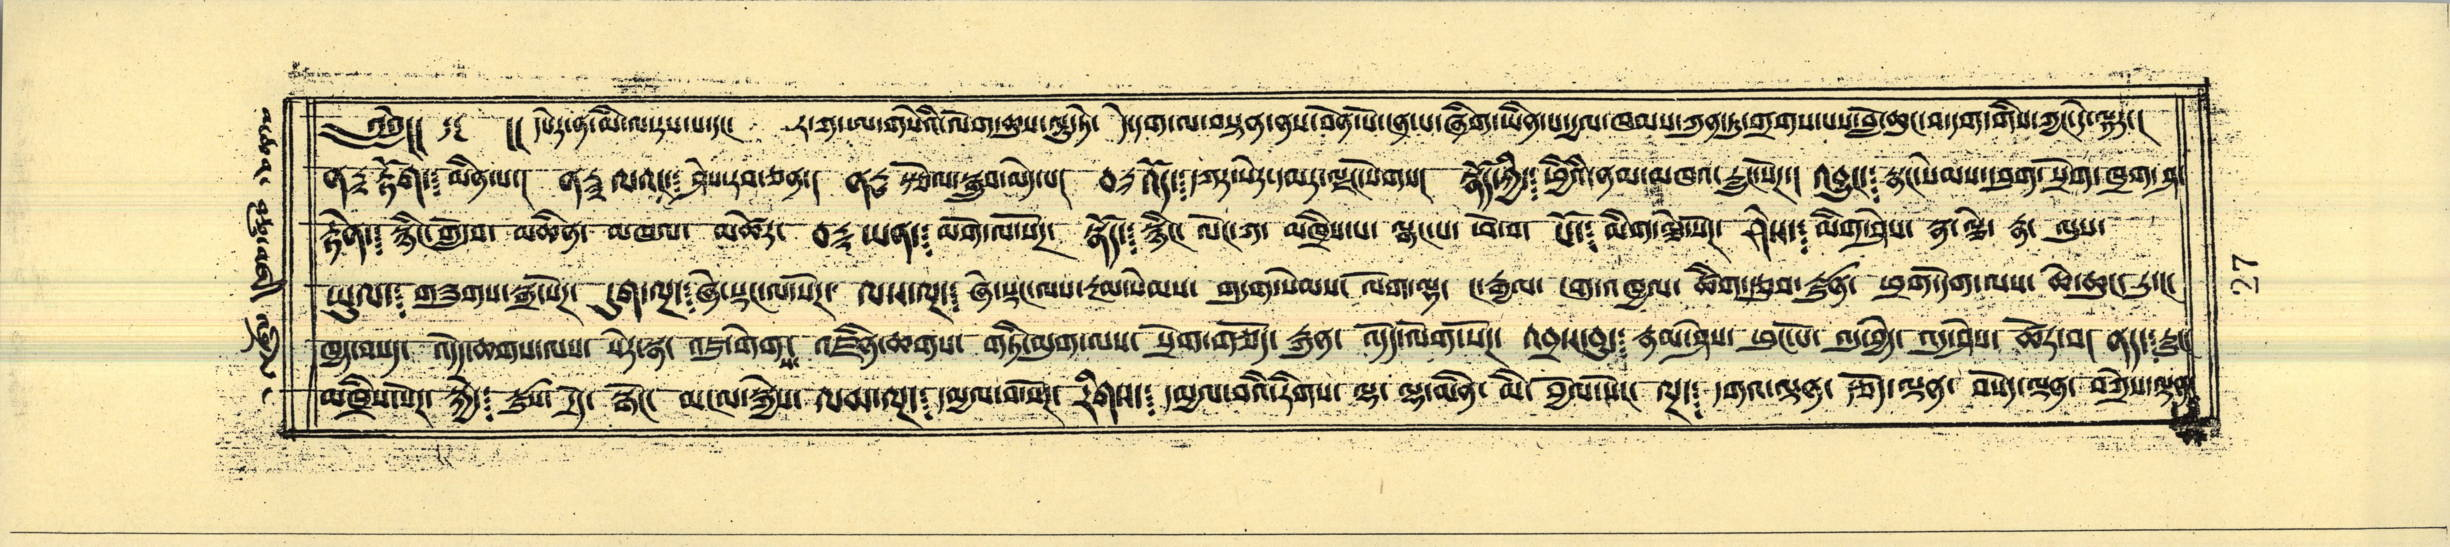༼དཔེར་ན་མི་ལ་རས་པ་དང་ར་ག་ཨ་གསས་ཀྱི་ལོ་རྒྱུས་བསླད་པ་ལྟ་བུ་སྟེ། དེ་དག་ལ་བརྟེན་ནས་བོན་པོ་ངན་པ་ཞིག་ཡིན་པ་རྒྱལ་ཁམས་ཀུན་ཏུ་གྲགས་པས་བློ་ཆུང་བདག་གིས་ཀྱང་དེ་ལྟར༽
ན༨།༢ རྟོག༑ མིན་པ་ན༨།༢ ལའང་། ཤེས་རབ་ཅན་ན༨།༦ རྩོལ་སྒྲུབ་མེད་པ། བ༨།༡ འོད༑ དཀར་སེར་དམར་ལྗང་སོགས༑ སྣོད་ཀྱི་ཕྱིའི་ནམ་མཁའ་རླུང་སོགས་འབྱུང་སྣང་སེམས་དབུག་སྲོག་ཁྲག་ཤ་
རྟེན་༼སྙིང་གློ་བ་མཆིན་མཁལ་མཚེར་བ༨།༢ ཡན། མགོ་ལ་སོགས། སྣོད༑༼སྙིང་ལོང་ཀ་མཁྲིས་པ་ལྒང་པ་ཕོ་བ་༽པོ༑༼མིག་ལྕེ་སོགས།༽ཤེས༑ ༼མིག་སྣ་ལྩེ་རྣ་ལུས་༽
ཡུལ༑ ༼གཟུགས་སྒྲ་སོགས་༽དུག་ལྔ༑༼ཞེ་སྡང་ལ་སོགས་༽ལས་ལྔ༑ ཞེ་སྡང་ལས་རྔམ་སེམས་གདུག་སེམས་ལོག་ལྟ་ང་རྒྱལ་ངག་འཁྱལ་ཚིག་རྩུབ་རྫུན་ཕྲག་དོག་ལས་ཆེ་ཆུང་རུ་ང་
ཁྱད་བསད་འདོད་ཆགས་ལས་སེར་སྣ་འཇུ་འགེགས། འཛིན་ཆགས་གཏི་མུག་ལས་སྲོག་གཅོད་རྐུན་འདོད་ལོག་སོགས་འབྲས་བུ༑ རྣམ་ཤེས་ཕུང་པོ་འདུ་བྱེད་འདུ་ཤེས་ཚོར་བ་ནད༑ རླུང་
འཁྲིས་སོགས་སྐྱེ༑ རྫུས་དྲོད་སྒོང་མངལ་སྐྱེས་ལམ་ལྔ༑༼དམྱལ་བ་སོགས༽རིགས༑ ༼དམྱལ་བའི་རིགས་ལྷ་ལྷ་མིན་མི་བྱོལ་སོང་༽ལྔ༑ དགའ་ལྡན་རྩོད་ལྡན་བསོད་ལྡན་བཀྲེས་ལྡན་